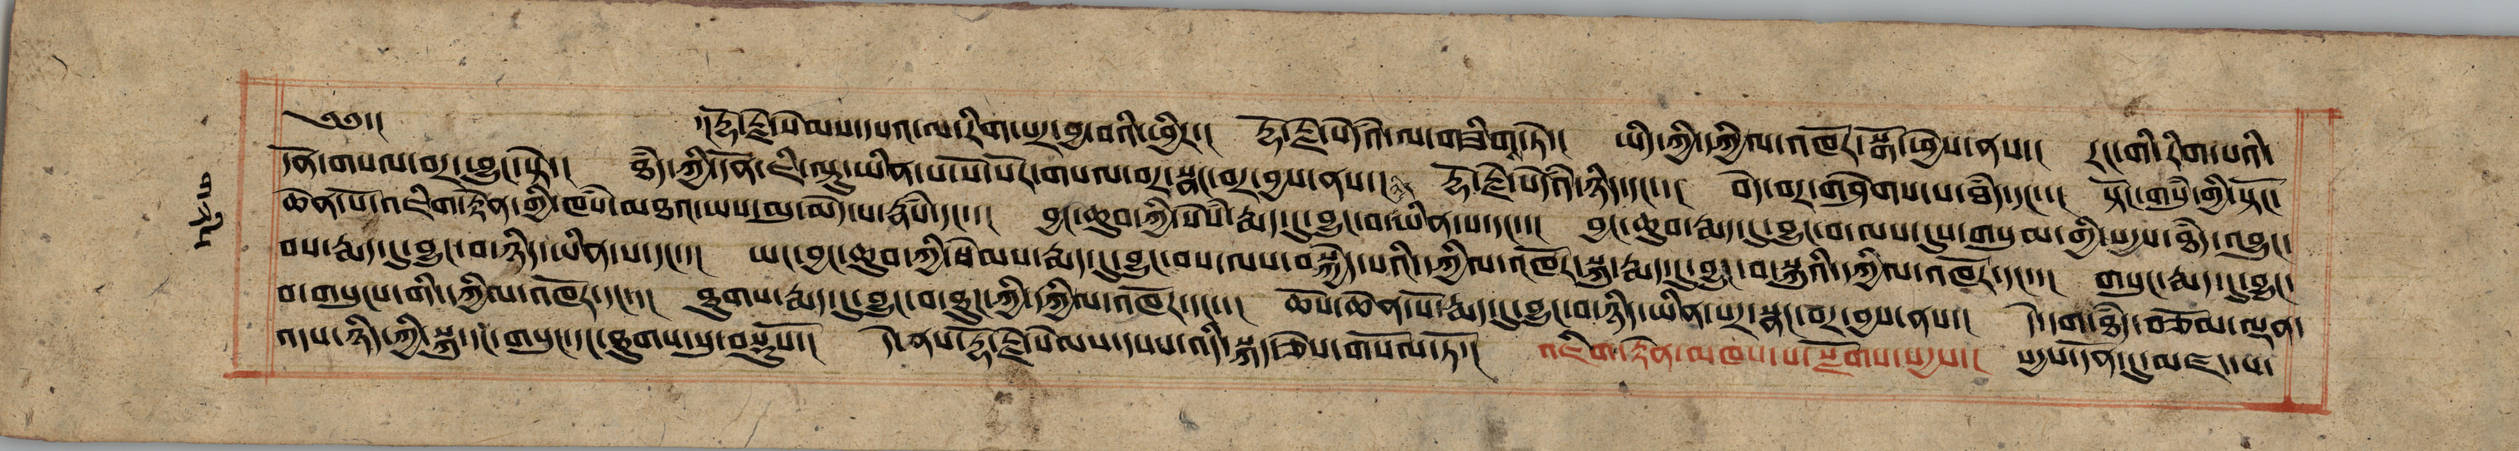༄༅་། ་།རྡོ་རྗེ་སེམས་དཔའ་ལ་རིག་པར་བྱ་བའི་ཕྱིར་། རྡོ་རྗེ་སེདཾའ་ལ་གཟིགས་ཏེ་། ཡིད་ཀྱི་དཀྱིལ་འཁོར་སྒོ་ཕྱེས་ནས་། རང་གི་རིག་པའི་
དོན་གསལ་བར་ཕྱུང་སྟེ་། ཐཾད་ཀྱི་དོན་ཇི་ལྟུ་ཡིན་པ་སོ་སོར་གསལ་བར་སྣང་བར་བྱས་ནས་། ཉིད རྡོ་རྗེ་སེདཾའ་ཉིད་དང་་། བདེ་བར་གཤེགས་པ་ཐཾད་དང་་། སྟོང་གསུཾ་གྱི་སྟོང་
ཆེན་པོ་འཇིག་རྟེན་གྱི་ཁཾས་མཐའ་ཡས་མུ་མེད་པ་རྣཾས་དང་་། བྱང་ཆུབ་ཀྱི་སེསཾ་རྨད་དུ་བྱུང་བ་ཡིན་པ་དང་་། བྱང་ཆུབ་་རྨད་དུ་བྱུང་བ་ལས་དུས་གསུམ་གྱི་སདྱས་ཐཾད་འབྱུང་
བས་རྨད་དུ་བྱུང་བ་ཉིད་ཡིན་པ་དང་་། ཡང་བྱང་ཆུབ་ཀྱི་སེམས་་རྨད་དུ་བྱུང་བས་ལས་བསྐྱེད་པའི་དཀྱིལ་འཁོར་སྐུ་རྨད་དུ་བྱུང་བ་སྐུའི་དཀྱིལ་འཁོར་དང་་། གསུང་རྨད་དུ་བྱུང་
བ་གསུངས་གི་དཀྱིལ་འཁོར་དང་་། ཐུགས་རྨད་དུ་བྱུང་བ་ཐུཌ་ཀྱི་དཀྱིལ་འཁོར་དང་་། ཆོས་ཆེན་པོ་རྨད་དུ་བྱུང་བ་ཉིད་ཡིན་པར་སྣང་བར་བྱས་ནས་། དེ་དག་ཐཾད་བཅོམ་ལྡན་
འདས་ཉིད་ཀྱི་སྐུ་དང་གསུང་དང་ཐུགས་སུ་བསྡུསོ་། དེ་ནས་རྡོ་རྗེ་སེམས་དཔའ་འདི་སྐད་ཅེས་གསོལ་ཏོ་། འཇིག་་རྟེན་མཁས་པ་སྫོགས་སདྱས་། སདྱས་དོན་དུ་མཛད་པ་